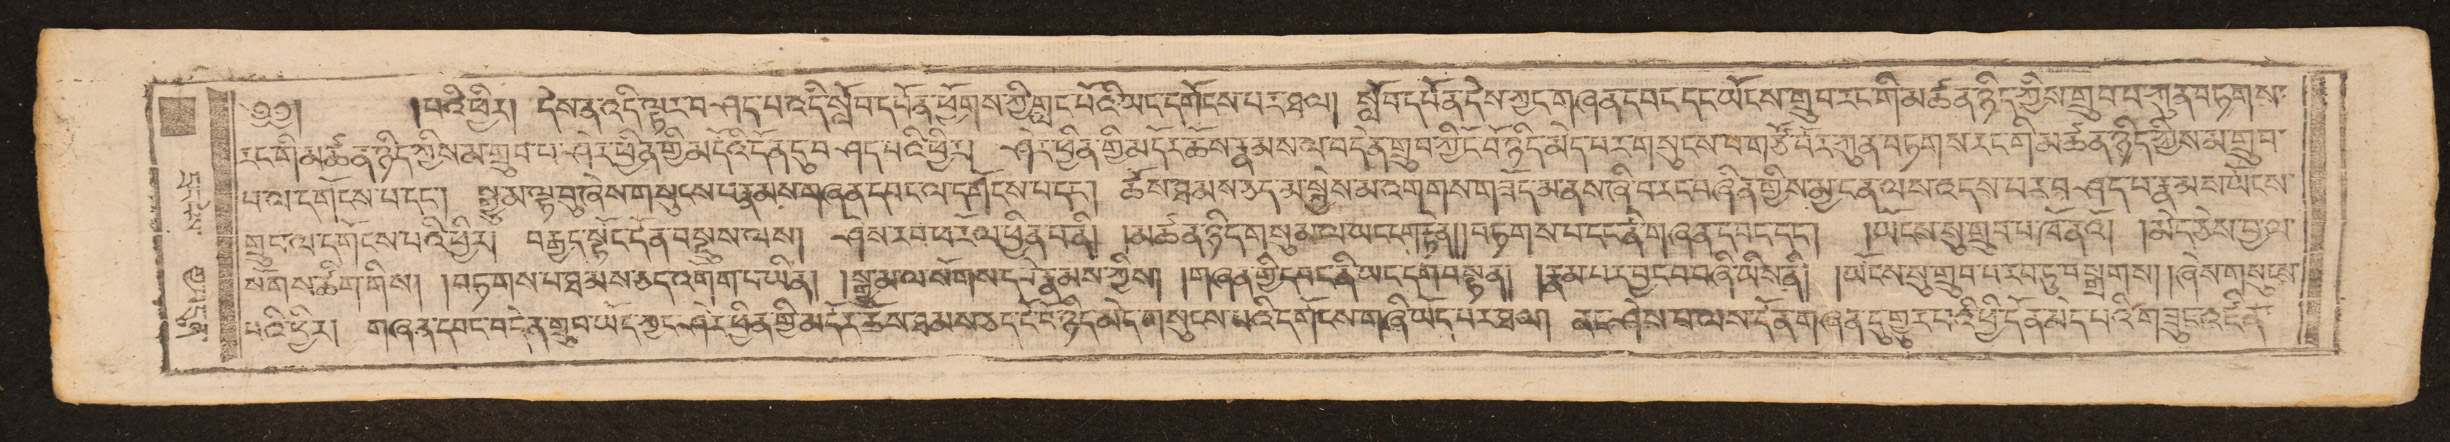༄༅། །པའི་ཕྱིར། དེས་ན་འདི་ལྟར་བཤད་པ་འདི་སློབ་དཔོན་ཕྱོགས་ཀྱི་གླང་པོའི་ཡང་དགོངས་པར་ཐལ། སློབ་དཔོན་དེས་ཀྱང་གཞན་དབང་དང་ཡོངས་གྲུབ་རང་གི་མཚན་ཉིད་ཀྱིས་གྲུབ་པ་ཀུན་བཏགས་
རང་གི་མཚན་ཉིད་ཀྱིས་མ་གྲུབ་པ་ཤེར་ཕྱིན་གྱི་མདོའི་དོན་དུ་བཤད་པའི་ཕྱིར། ཤེར་ཕྱིན་གྱི་མདོར་ཆོས་རྣམས་ལ་བདེན་གྲུབ་ཀྱི་ངོ་བོ་ཉིད་མེད་པར་གསུངས་པ་གཙོ་བོར་ཀུན་བཏགས་རང་གི་མཚན་ཉིད་ཀྱིས་མ་གྲུབ་
པ་ལ་དགོངས་པ་དང་། སྒྱུ་མ་ལྟ་བུ་ཞེས་གསུངས་པ་རྣམས་གཞན་དབང་ལ་དགོངས་པ་དང་། ཆོས་ཐམས་ཅད་མ་སྐྱེས་མ་འགགས་གཟོད་མ་ནས་ཞི་བ་རང་བཞིན་གྱིས་མྱ་ངན་ལས་འདས་པར་བཤད་པ་རྣམས་ཡོངས་
གྲུབ་ལ་དགོངས་པའི་ཕྱིར། བརྒྱད་སྟོང་དོན་བསྡུས་ལས། ཤེས་རབ་ཕ་རོལ་ཕྱིན་པ་ནི། །མཚན་ཉིད་གསུམ་ལ་ཡང་དག་རྟེན། །བཏགས་པ་དང་ནི་གཞན་དབང་དང་། །ཡོངས་སུ་གྲུབ་པ་ཁོ་ནའོ། །མེད་ཅེས་བྱ་ལ་
སོགས་ཚིག་གིས། །བཏགས་པ་ཐམས་ཅད་འགོག་པ་ཡིན། །སྒྱུ་མ་ལ་སོགས་དཔེ་རྣམས་ཀྱིས། །གཞན་གྱི་དབང་ནི་ཡང་དག་བསྟན། །རྣམ་པར་བྱང་བ་བཞི་ཡིས་ནི། །ཡོངས་སུ་གྲུབ་པ་རབ་ཏུ་བསྒྲགས། །ཞེས་གསུངས་
པའི་ཕྱིར། གཞན་དབང་བདེན་གྲུབ་ཡོད་ཀྱང་ཤེར་ཕྱིན་གྱི་མདོར་ཆོས་ཐམས་ཅད་ངོ་བོ་ཉིད་མེད་གསུངས་པའི་དགོངས་གཞི་ཡོད་པར་ཐལ། ནང་ཤེས་པ་ལས་དོན་གཞན་དུ་གྱུར་པའི་ཕྱི་དོན་མེད་པའི་གཟུང་འཛིན་